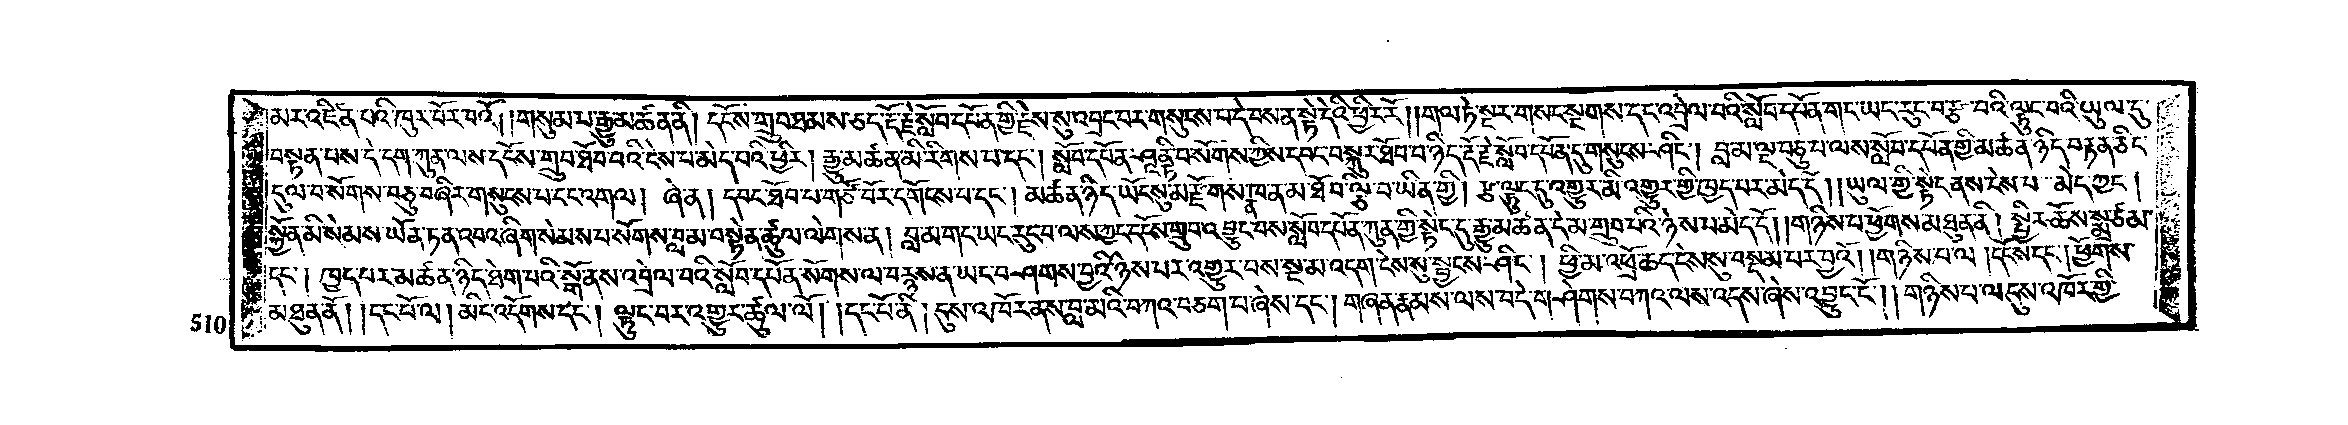མར་འཛིན་པའི་ཁུར་བོར་བའོ། །གསུམ་པ་རྒྱུ་མཚན་ནི། དངོས་གྲུབ་ཐམས་ཅད་རྡོ་རྗེ་སློབ་དཔོན་གྱི་རྗེས་སུ་འབྲང་བར་གསུངས་པ་དེ་བས་ན་སྟེ་དེའི་ཕྱིར་རོ། །གལ་ཏེ་སྔར་གསང་སྔགས་དང་འབྲེལ་བའི་སློབ་དཔོན་གང་ཡང་རུང་བ་རྩ་བའི་ལྟུང་བའི་ཡུལ་དུ་
བསྟན་པས་དེ་དག་ཀུན་ལས་དངོས་གྲུབ་ཐོབ་པའི་ངེས་པ་མེད་པའི་ཕྱིར། རྒྱུ་མཚན་མི་རིགས་པ་དང་། སློབ་དཔོན་ཤཱནྟི་པ་སོགས་ཀྱིས་དབང་བསྐུར་ཐོབ་པ་ཉིད་རྡོ་རྗེ་སློབ་དཔོན་དུ་གསུངས་ཤིང་། བླ་མ་ལྔ་བཅུ་པ་ལས་སློབ་དཔོན་གྱི་མཚན་ཉིད་བརྟན་ཅིང་
དུལ་བ་སོགས་བཅུ་བཞིར་གསུངས་པ་དང་འགལ། ཞེ་ན། དབང་ཐོབ་པ་གཙོ་བོར་དགོངས་པ་དང་། མཚན་ཉིད་ཡོངས་སུ་མ་རྫོགས་ན་ཁ་ན་མ་ཐོབ་ལྕི་བ་ཡིན་གྱི། རྩ་ལྟུང་དུ་འགྱུར་མི་འགྱུར་གྱི་ཁྱད་པར་མེད་དོ། །ཡུལ་གྱི་སྟེང་ནས་ངེས་པ་མེད་ཀྱང་།
སྐྱོན་མི་སེམས་ཡོན་ཏན་འབའ་ཞིག་སེམས་པ་སོགས་བླ་མ་བསྟེན་ཚུལ་ལེགས་ན། བླ་མ་གང་ཡང་རུང་བ་ལས་ཀྱང་དངོས་གྲུབ་འབྱུང་བས་སློབ་དཔོན་ཀུན་གྱི་སྟེང་དུ་རྒྱུ་མཚན་དེ་མ་གྲུབ་པའི་ཉེས་པ་མེད་དོ། །གཉིས་པ་ཕྱོགས་མཐུན་ནི། སྤྱིར་ཆོས་སྨྲ་ཙམ་
དང་། ཁྱད་པར་མཚན་ཉིད་ཐེག་པའི་སྒོ་ནས་འབྲེལ་བའི་སློབ་དཔོན་སོགས་ལ་བརྙས་ན་ཡང་བཤགས་བྱའི་ཉེས་པར་འགྱུར་བས་སྔ་མ་འདག་ངེས་སུ་སྦྱངས་ཤིང་། ཕྱི་མ་འཕྲོ་ཆད་ངེས་སུ་བསྡམ་པར་བྱའོ། །གཉིས་པ་ལ། དངོས་དང་། ཕྱོགས་
མཐུན་ནོ། །དང་པོ་ལ། མིང་འདོགས་དང་། ལྟུང་བར་འགྱུར་ཚུལ་ལོ། །དང་པོ་ནི། དུས་འཁོར་ནས་བླ་མའི་བཀའ་བཅག་པ་ཞེས་དང་། གཞན་རྣམས་ལས་བདེ་གཤེགས་བཀའ་ལས་འདས་ཞེས་འབྱུང་ངོ། །གཉིས་པ་ལ་དུས་འཁོར་གྱི་